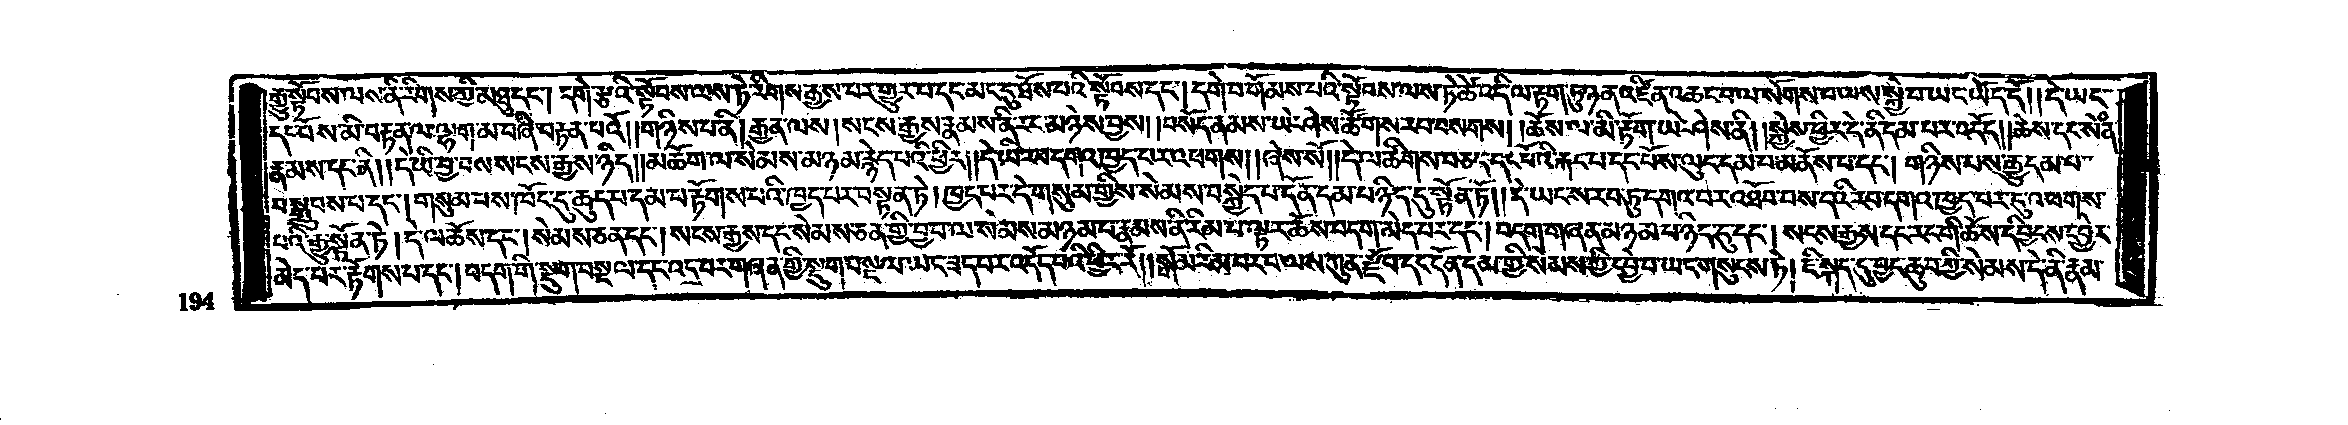རྒྱུ་སྟོབས་ལས་ནི་རིགས་ཀྱི་མཐུ་དང་། དགེ་རྩའི་སྟོབས་ལས་ཏེ་རིགས་རྒྱས་པར་གྱུར་པ་དང་མང་དུ་ཐོས་པའི་སྟོབས་དང་། དགེ་བ་གོམས་པའི་སྟོབས་ལས་ཏེ་ཚེ་འདི་ལ་རྟག་ཏུ་ཉན་འཛིན་འཆང་བ་ལ་སོགས་པ་ལས་སྐྱེ་བ་ཡང་ཡོད་དོ། །དེ་ཡང་
དང་པོས་མི་བརྟན་ལ་ལྷག་མ་བཞི་བརྟན་པའོ། །གཉིས་པ་ནི། རྒྱན་ལས། སངས་རྒྱས་རྣམས་ནི་རབ་མཉེས་བྱས། །བསོད་ནམས་ཡེ་ཤེས་ཚོགས་རབ་བསགས། །ཆོས་ལ་མི་རྟོག་ཡེ་ཤེས་ནི། །སྐྱེས་ཕྱིར་དེ་ནི་དམ་པར་འདོད། །ཆོས་དང་སེམས་
རྣམས་དང་ནི། །དེ་ཡི་བྱ་བས་སངས་རྒྱས་ཉིད། །མཆོག་ལ་སེམས་མཉམ་རྙེད་པའི་ཕྱིར། །དེ་ཡི་རབ་དགའ་ཁྱད་པར་འཕགས། །ཞེས་སོ། །དེ་ལ་ཚིགས་བཅད་དང་པོའི་རྐང་པ་དང་པོས་ལུང་དམ་པ་མནོས་པ་དང་། གཉིས་པས་རྒྱུ་དམ་པ་
བསྒྲུབས་པ་དང་། གསུམ་པས་ཁོང་དུ་ཆུད་པ་དམ་པ་རྟོགས་པའི་ཁྱད་པར་བསྟན་ཏེ། ཁྱད་པར་དེ་གསུམ་གྱིས་སེམས་བསྐྱེད་པ་དོན་དམ་པ་ཉིད་དུ་སྟོན་ཏོ། །དེ་ཡང་ས་རབ་ཏུ་དགའ་བར་འཐོབ་པས་དེའི་རབ་དགའ་ཁྱད་པར་དུ་འཕགས་
པའི་རྒྱུ་སྟོན་ཏེ། དེ་ལ་ཆོས་དང་། སེམས་ཅན་དང་། སངས་རྒྱས་དང་སེམས་ཅན་གྱི་བྱ་བ་ལ་སེམས་མཉམ་པ་རྣམས་ནི་རིམ་པ་ལྟར་ཆོས་བདག་མེད་པར་དང་། བདག་གཞན་མཉམ་པ་ཉིད་དུ་དང་། སངས་རྒྱས་དང་རང་གི་ཆོས་དབྱིངས་དབྱེར་
མེད་པར་རྟོགས་པ་དང་། བདག་གི་སྡུག་བསྔལ་དང་འདྲ་བར་གཞན་གྱི་སྡུག་བསྔལ་ཡང་ཟད་པར་འདོད་པའི་ཕྱིར་རོ། །སྒོམ་རིམ་བར་པ་ལས་ཀུན་རྫོབ་དང་དོན་དམ་གྱི་སེམས་ཀྱི་དབྱེ་བ་ཡང་གསུངས་ཏེ། ཇི་སྐད་དུ་བྱང་ཆུབ་ཀྱི་སེམས་དེ་ནི་རྣམ་